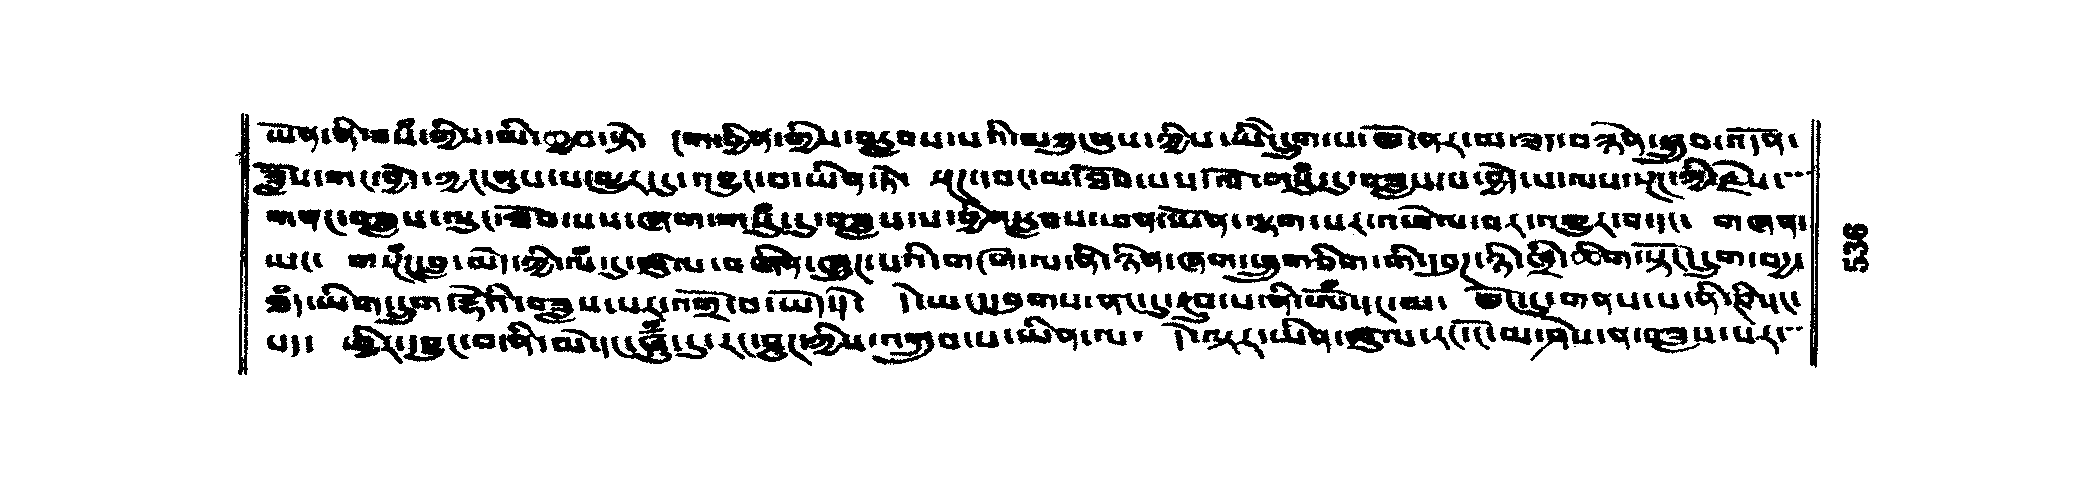ཡོན་ནི་བསམ་གྱིས་མི་ཁྱབ་སྟེ། ངག་བྱིན་གྱིས་བརླབས་པའི་མཐུ་ནུས་ཀྱིས་ཡི་གེ་དྲུག་པ་ཁོ་ནར་མ་ཟད་བསྙེན་སྒྲུབ་འདོན་
ཟློས་གང་བྱེད་ཀྱང་ནུས་པ་མྱུར་དུ་འབྱུང་བ་ཡིན་ཏེ། སྔགས་དབང་མ་ཐོབ་པས་ལོ་གསུམ་དུ་བཟླས་པ་བྱེད་པ་ལས་སྔགས་ཀྱི་རྗེས་
གནང་བཟླས་ལུང་ཐོབ་པས་ཞག་གསུམ་དུ་བཟླས་པ་བྱིན་རླབས་ཕན་ཡོན་ལྷག་པར་འཕེལ་བར་འགྱུར་བ་དང་། གཞན་
ཡང་གསང་སྔགས་བླ་མེད་ཀྱི་ལམ་དུ་ཚུལ་བཞིན་ཞུགས་པའི་གང་ཟག་ལ་ནི་ཉིན་ཞག་ཕྲུ་གཅིག་གི་དབུགས་ཉི་ཁྲི་ཆིག་སྟོང་དྲུག་བརྒྱ་
ཐམས་ཅད་ཡིག་དྲུག་རྡོ་རྗེའི་བཟླས་པར་འགྲོ་བ་ཡོད་དེ། དེ་ཡང་དབུགས་ནང་དུ་རྔུབ་པ་ནི་ཨོཾ་དང་མ། ཁོང་དུ་གནས་པ་ནི་ཎི་དང་
པད། ཕྱིར་དབྱུང་བ་ནི་མེ་དང་ཧཱུྃ་དུ་རང་ཤུགས་ཀྱིས་འགྲུབ་པ་ཡིན་ལ། དེ་ལྟར་ཡིན་ཚུལ་རང་ངོ་མ་ཤེས་ན་བཟླས་པར་